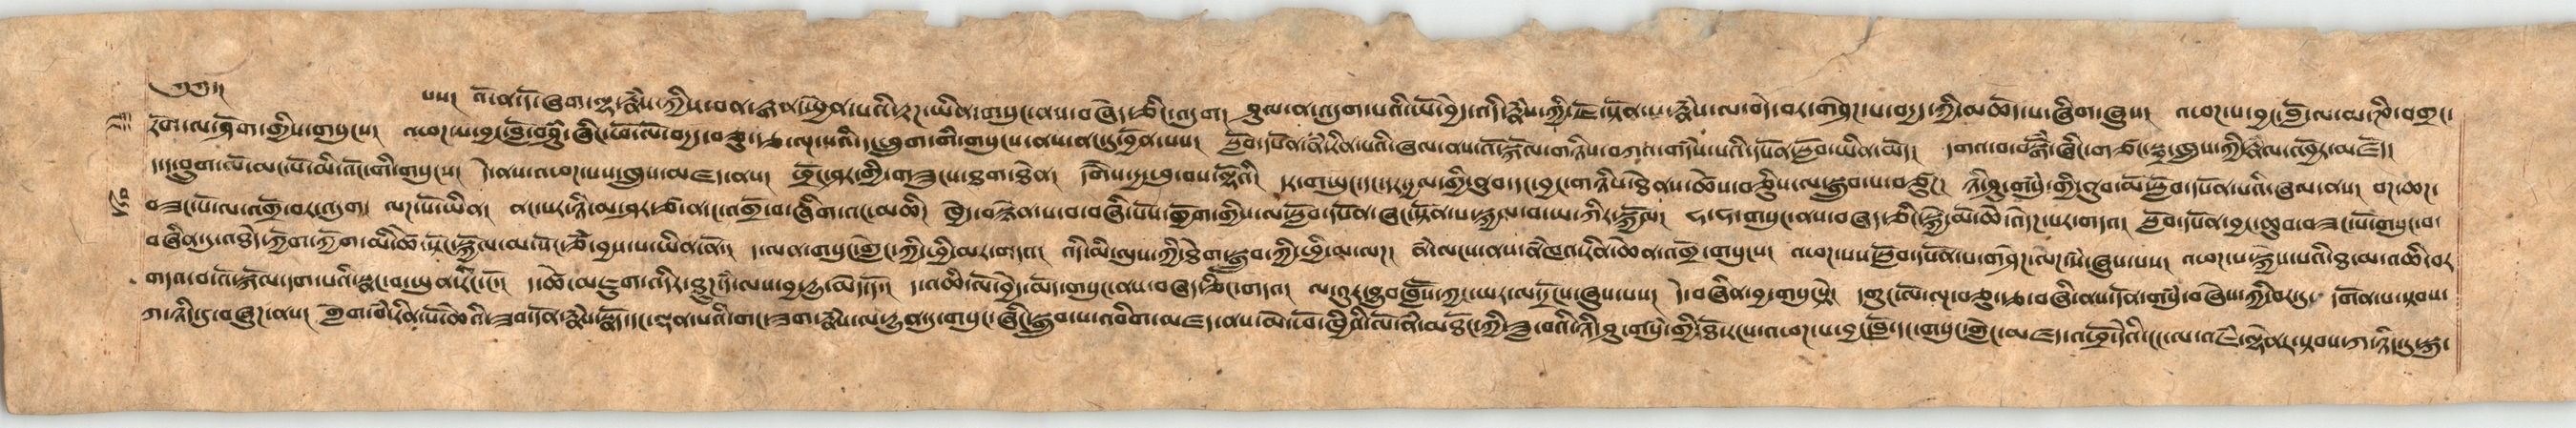པས། འོ་ན་དོ་ཞག་ལྷ་རྣཾས་ཀྱིས་ཕན་རྒན་སྤྱེན་པའི་རྟཌ་ཡིན་གསུང་ནས་བཞེད་ཅིང་འདུག། ཤུལ་ན་འདུག་པའི་ཡོ་བྱེད་འདི་རྣཾས་ཀྱི་ཇོ་སྟོན་པ་རྣཾས་ལ་བདེ་བར་གཤེཌ་པ་བདྱད་ཀྱི་མཆོད་པ་ཞིག་ཞུས། འཕཌ་པ་བྱང་བློ་ལ་མ་ཎི་བགྲང་
རོག་ལ་ཤོག་གྱིས་གསུངས། འཕཌ་པ་བྱང་བློ་བཤུཾ་ཞིང་ཕོ་ལོ་བདྱད་བཅུ་རྩ་ལྔ་པའི་དང་ཕྲུག་གི་གསུངས་ནས་ནང་དུ་བྱོན་པས། སློབ་དཔོན་རྣཾ་རིན་པའི་ཞལ་ནས་འོ་སྐོལ་གཉིས་བཀའ་གདཾས་པའི་དཔོན་སློབ་ཡིན་མོད། དགའ་བ་བསྒོཾ་ཞིང་གཙང་སྦྲ་ཁྲུས་ཀྱི་རྣལ་འབྱོར་མཛདོ།
ད་ད་བྲུག་ལོ་མང་པོ་མི་འོང་གི་གསུངས། དེ་ནས་འཕཌ་པས་ཁྲུས་མཛད་ནས། ཕྲོང་ཤར་གྱི་གཟུངས་ཐག་ཐེན། དགཻས་དྱ་ཕུ་བས་ལྷོའི། དར་གཡུང་དང་དར་དྱལ་གྱི་ནུབ་དང་བྱང་གཉིས་ཐེནས་ཚེས་བཅིུས་ལ་སྒྲུབ་པ་བཙུཌ། ཉི་ཤུ་གསུཾ་གྱི་ནུབ་མོ་སློབ་དཔོན་པའི་ཞལ་ནས། བཌ་ཆཌ་
བཟང་པོ་ལ་འགྲོ་བར་འདུག། ལཌ་སོ་ཡིན། ནང་པར་ཉི་མ་ཤར་ཙ་ན་ང་འགྲོ་བ་ཞིག་འང་མཆི། ཁྱེད་བསྙེན་པ་བ་བཞི་པོས་གྱོག་གྱིས་ལ་སློབ་དཔོན་ཞང་སྟོན་པ་སྐྱལ་བ་ཡ་ཀིར་སྐྱོལ། ཧ་ཧ་གསུང་ནས་བཞད་ཅིང་སྐྱེ་མོ་ཆེ་འདེཌ་པར་གདའ། སློབ་དཔོན་བྱང་ཆུབ་བཟང་པོ་གསུང་བ་
བཞིན་དུ་འཐེད་ཀྱོག་ཀྱོག་མི་ཚེ་སྟོང་སྐྱོལ་མ་སོང་ཙཾ་བྱས་པ་ཡིན་ནོ་། ད་ལན་གསུང་གླེང་ཀྱི་ཕྱི་མར་གདའ། འདི་མི་ལུས་ཀྱི་ཐེག་སྒྲུབ་ཀྱི་ཕྱི་མ་ལཌ། ནཾ་ལངས་ནས་ནཾཁའ་རིན་ཆེན་འགྲོ་གསུངས། འཕཌ་པས་སློབ་དཔོན་པ་གཤེཌ་ལེཌ་སཾ་ཞུས་པས། འཕཌ་པ་སྐྱེས་པའི་ཐ་མ་འཆི་བར
གདའ་བ་འོ་སྐོལ་དག་པའི་སྣང་བ་ཡུན་རིང་ངོ་། ད་ཚེ་འཇུག་འདིར་ཐུཌ་དཾ་ལས་བྱ་དྱུ་མེད་དོ་། ད་འཆི་ལོ་བྱེད་མོད་གསུང་ནས་བཞད་ཅིང་གདའ། ལ་འུར་བྱུཾབ་བླཽས་ཀྱང་ཡར་ལ་དྲོངས་ཞུས་པས། དེ་བཞིན་བྱ་གསུངསྟེ། དགུང་ལོ་ལྔ་བཅུ་རྩ་བཞི་ནས་དོན་གསུཾ་བཞེས་ཀྱི་བར་དུ་ དགོན་པ་སྟབས་
ཀ་ཉིད་དུ་བཞུཌ་ནས། གླེག་བཾ་རིན་པོ་ཆེའི་ཟབ་དོན་རྣཾས་སྣོད་དང་ལྡན་པའི་གང་ཟག་རྣཾས་ལ་དྱུན་དུ་གསུང་ཞིང་སྒྲུབ་པ་འབིག་མཛད་ནས་མེ་ཕོ་ཁྱིའི་ལོ་ནཾ་མཐོང་ཀྱི་ཟླ་བའི་ཉི་ཤུ་གསུཾ་གྱི་ཐོ་རངས་འཕཌ་པ་བྱང་བློ་དང་གསུང་གླེང་མཛད་འཕྲོ་དེའི་ངང་ལ་འཇཾ་ལྷེནར་སྟབས་ཀ་ཉིད་དུ་སྐུ་